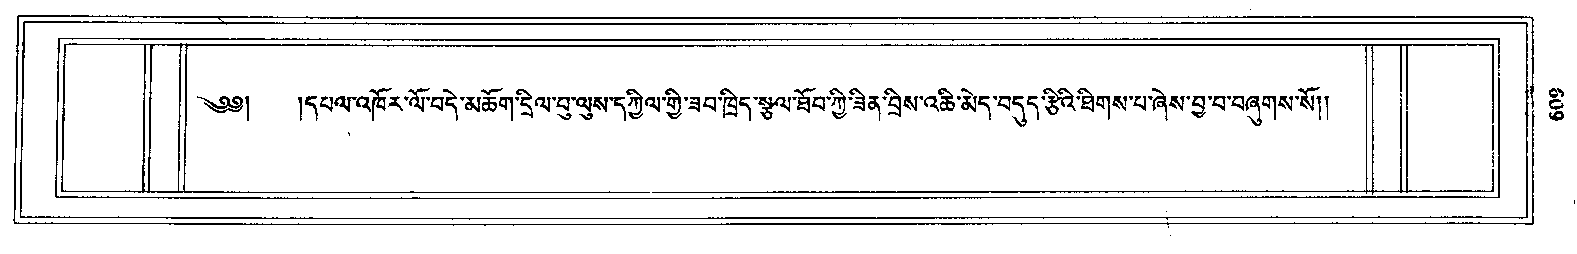༄༅། །དཔལ་འཁོར་ལོ་བདེ་མཆོག་དྲིལ་བུ་ལུས་དཀྱིལ་གྱི་ཟབ་ཁྲིད་སྩལ་ཐོབ་ཀྱི་ཟིན་བྲིས་འཆི་མེད་བདུད་རྩིའི་ཐིགས་པ་ཞེས་བྱ་བ་བཞུགས་སོ།།
༈